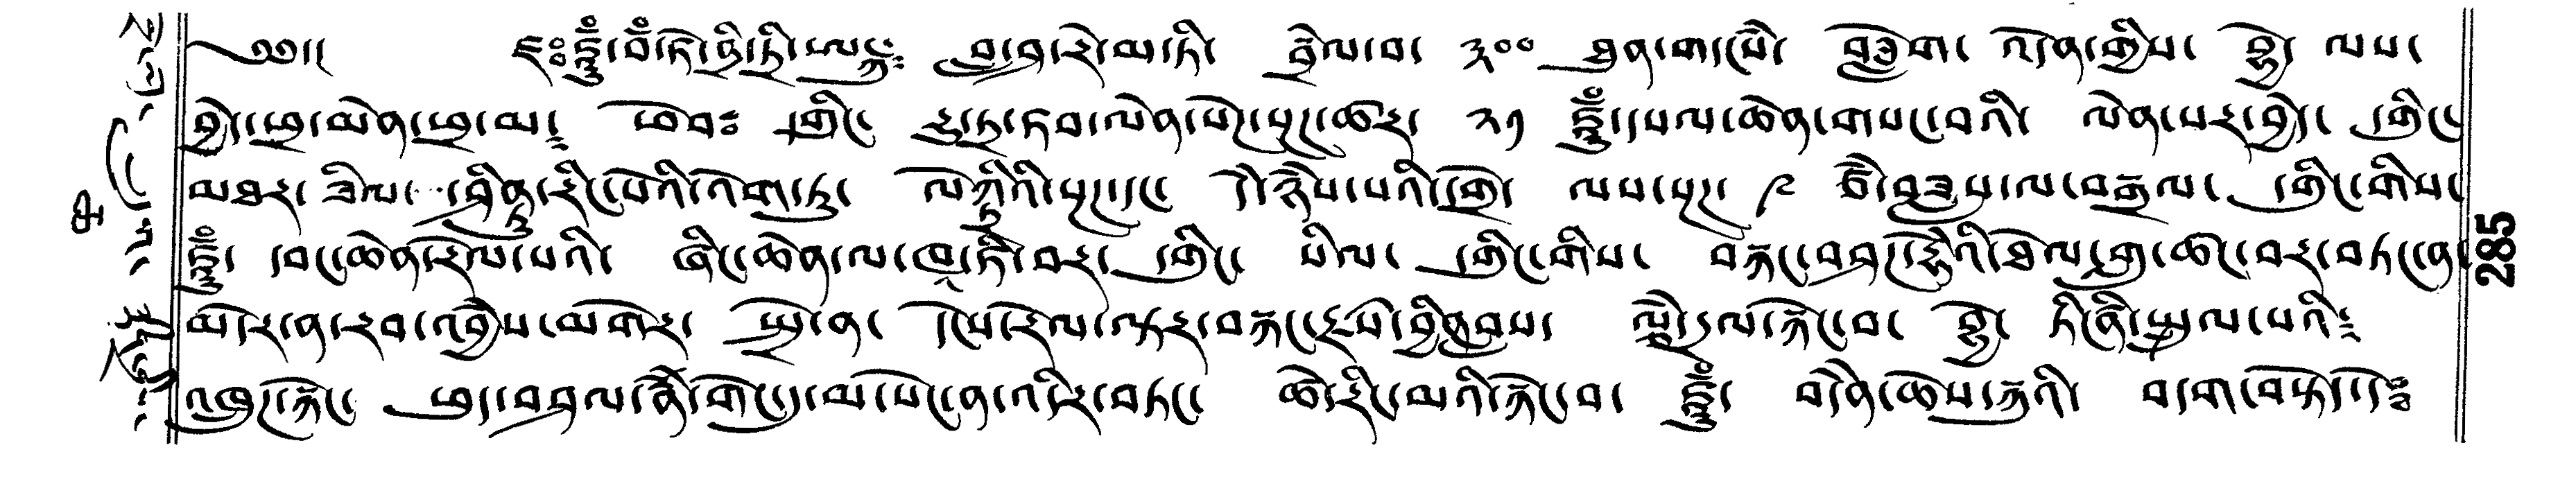ཛཿཧཱུྃ་བྃ་ཧོཿནྲྀ་ཏྲི་ཨངྐུ༴ བླ་ཤ་རེ་མ་ཏི༴ སྦྲེལ་བ་སུམ་བརྒྱ། ཐུན་གདངས་སམ། བཟློག་འདོན་གྱིས། བྷྱོ༔ ལས་
བྱེད་ཕྲ་མེན༴ ཕོབ༔ དགུ་ཐིང་། ཧུ་ཏྲ་ཧབ་ལེན༴ སོགས་སྔགས་ཚར་ཉེར་གཅིག ཧཱུྃ༔ དཔལ་ཆེན་གསང་བའི༴ ལེན་པར་བྱེད༔ དགུ་ཐིང་གི་
མཐར་ཟིལ་ཤིན་ཏུ་རིང་པོའི་འོག་ཏུ། ལོཀྟྲིའི་སྔགས་དང་། དམ་ཉམས་པའི་དགྲ་བོ༴ ལས་སྔགས་དགུ་ཙམ་བཟླས་ལ་བསྒྲལ། དགུ་ཐིང་གིས། 
ཧཱུྃ༔ དབང་ཆེན་རོལ་པའི༴ ཞིང་ཆེན་ལ་ཁཱ་ཧིཿ བར། དགུ་ཐིང་། སིལ་དགུ་ཐིང་གིས། སྐོང་བཤགས་རྡོ་རྗེའི་ཐོལ་གླུ་ཚང་བར་བཏང་ན། 
མདོར་ན་རབ་འབྱམས༴ མགོར། སྤྲོ་ན་དངོས་རོལ་ལྟར་བསྐང་རྫས་བྱིན་རླབས། ལྕམ་དྲལ་སྐོང་བ། བྷྱོ༔ ཏིང་འཛིན་སྤྲུལ་པའི༴ 
འཁྲུགས་སྐོང་། ཕུད་བཤལ་རྣམས་གོང་དུ་མ་སོང་ན་འདིར་བཏང་། ཚེ་རིང་མའི་སྐོང་བ། ཧཱུྃ༔ བདེ་ཆེན་ཆོས་སྐུའི༔ བདག་བསྟོད་དོ༔